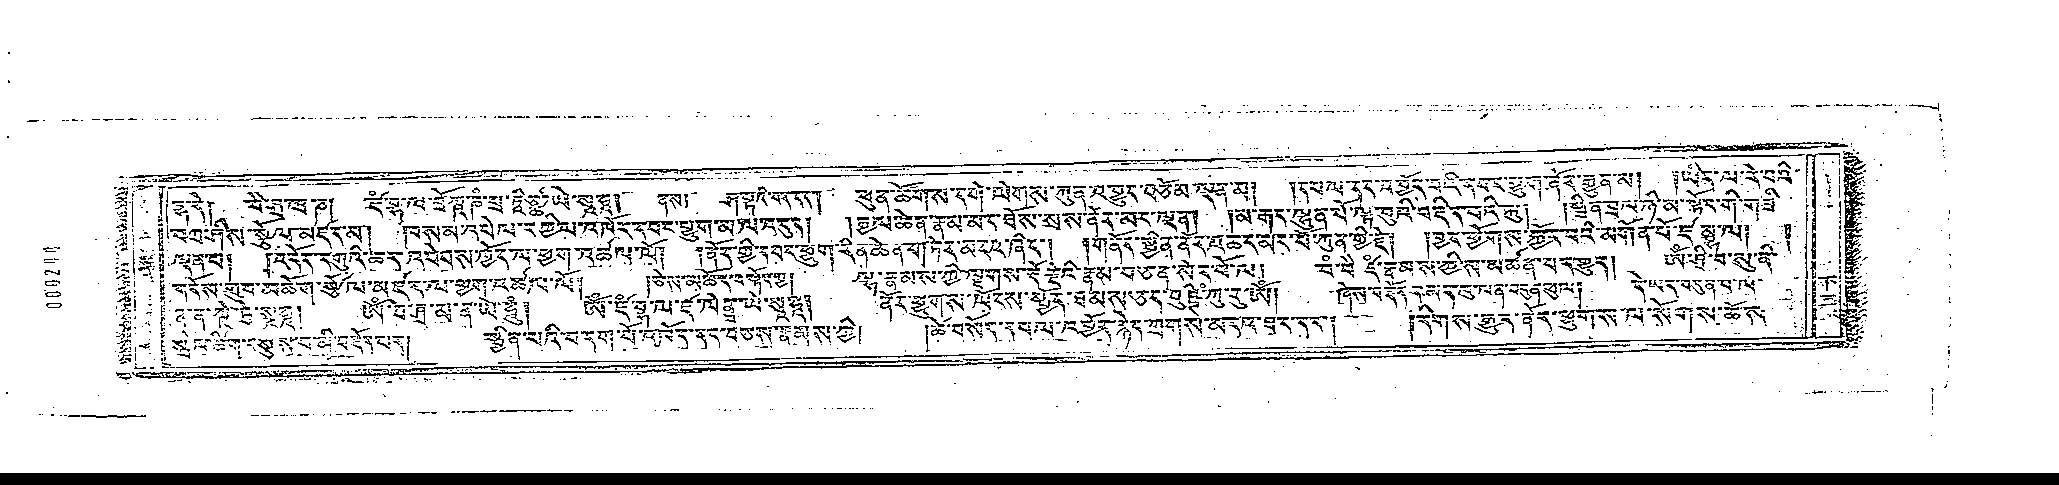བྷ་རེ། །བིརྒལ་ཎ། །ཛི་ལྷ་ལ་བྲོཀྵ་ཎི་པྲ་ཏཱིཙྪ་ཡེ་སྭཱཧཱ། ནས། ཤབྷའི་བར་དང་། །ཕུན་ཚོགས་དགེ་ལེགས་ཀུན་འབྱུང་བཅོམ་ལྡན་མ། །དབལ་དང་འབྱོར་བའི་དབང་ཕྱུག་ནོར་རྒྱུན་མ། །ཡིད་ལ་རེ་བའི་
བཀྲ་ཤིས་སྩོལ་མཛད་མ། །བསམ་འཕེལ་དཀྱིལ་འཁོར་དབང་ཕྱུག་མ་ལ་འདུད། །རྒྱལ་ཆེན་རྣམ་མང་ཐོས་སྲས་ནོར་མང་ལྡན། །མ་གད་ལྷུན་པོ་ལྟ་བུའི་བརྗིད་བའི་སྐུ། །སྤྲིན་བྲལ་ཉི་མ་སྟོང་གི་གཟི་
ལྡན་པ། །འདོད་དགུའི་ཆར་འབེབས་ཁྱོད་ལ་ཕྱག་འཚལ་ལོ། །ནོར་གྱི་དབང་ཕྱུག་རིན་ཆེན་གཏེར་མངའ་ཞིང་། །གནོད་སྦྱིན་ནོར་འཆང་མང་པོ་ཀུན་གྱི་རྗེ། །བྱང་ཕྱོགས་སྐྱོང་བའི་མགོན་པོ་ཛམྦྷ་ལ། །
དངོས་གྲུབ་མཆོག་སྩོལ་མཛད་ལ་ཕྱག་འཚལ་ལོ། །ཅེས་མཆོད་བསྟོད་བྱ། །ལྷ་རྣམས་ཀྱི་ལྗགས་རྡོ་རྗེའི་རྣམ་པ་ཅན་སེར་པོ་ལ། །བཾ་སེར་པོ་རྣམས་ཀྱིས་མཚན་པར་གྱུར། །ཨོཾ་གྲི་བ་སུ་ནི་
དྷ་ན་ཧྵེ་དྲེ་སྭཱཧཱ། །ཨོཾ་བཻ་ཤྲ་མ་ན་ཡ་ཧཱུཾ། །ཨོཾ་ཛཾ་བྷ་ལ་ཛ་ལེནྡྲ་ཡེ་སྭཱཧཱ། །ནོར་ཕྱུགས་ལོངས་སྤྱོད་ཐམས་ཅད་པུཥྚིཾ་ཀུ་རུ་ཨོཾ། །ཞེས་བརྗོད་དེ་མར་ཁུ་ལན་བདུན་ཕུལ། །དེ་ཡང་བདུན་པ་ལ་
སྤེལ་ཚིག་བསྡུས་པ་མི་བརྗོད་བར། །སྦྱིན་པའི་བདག་པོ་འཁོར་དང་བཅས་རྣམས་ཀྱི། །ཚེ་བསོད་དཔལ་འབྱོར་རྙེད་གྲགས་མདའ་ཐང་དང་། །རིགས་རྒྱུད་ནོར་ལུགས་ལ་སོགས་ཆོས་